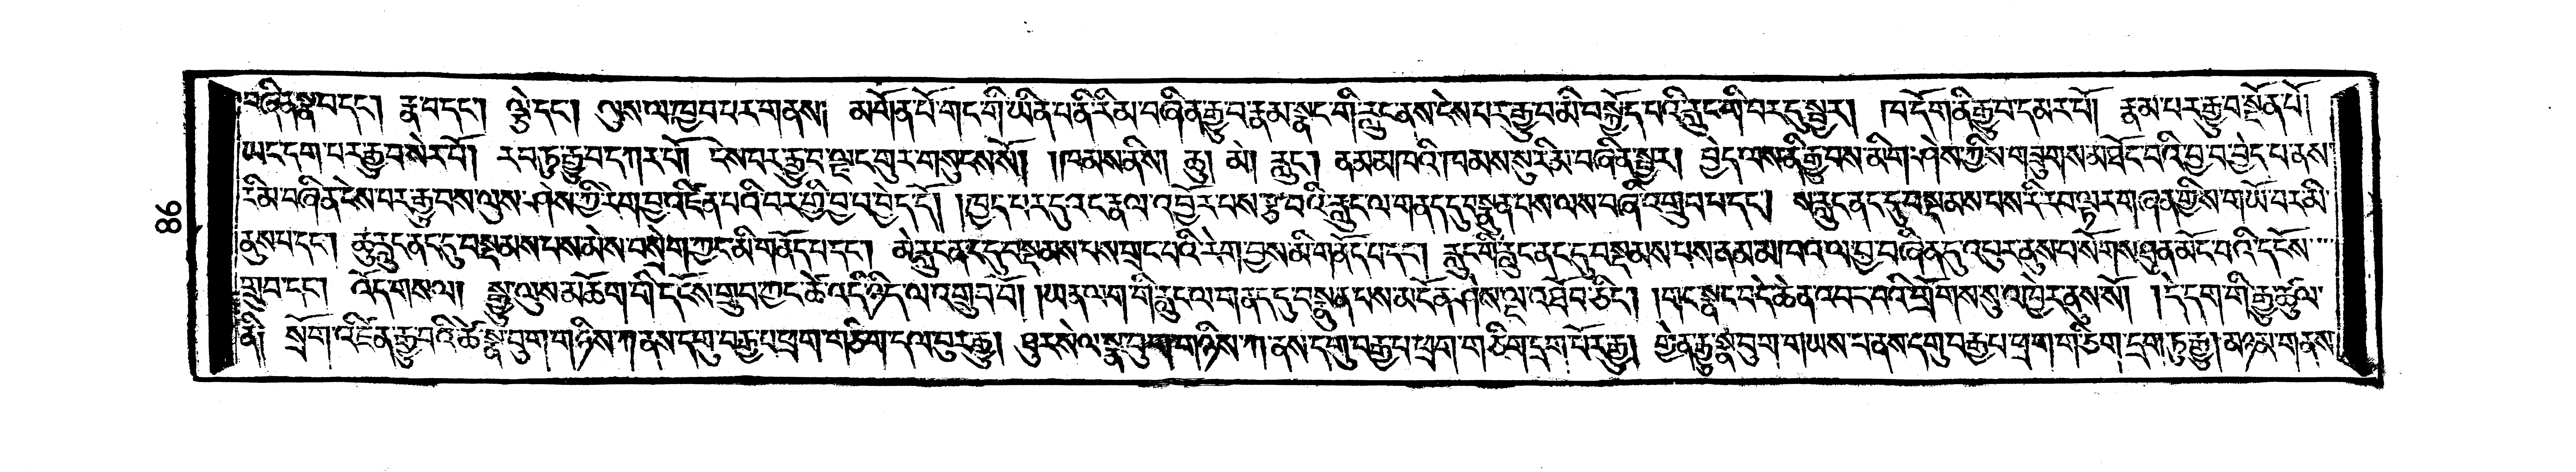བཞིན་རྣ་བ་དང་། སྣ་དང་། ལྕེ་དང་། ལུས་ལ་ཁྱབ་པར་གནས། མགོན་པོ་གང་གི་ཡིན་པ་ནི་རིམ་བཞིན་རྒྱུ་བ་རྣམ་སྣང་གི་རླུང་ནས་ངེས་པར་རྒྱུ་བ་མི་བསྐྱོད་པའི་རླུང་གི་བར་དུ་སྦྱར། ཁ་དོག་ནི་རྒྱུ་བ་དམར་པོ། རྣམ་པར་རྒྱུ་བ་སྔོན་པོ།
ཡང་དག་པར་རྒྱུ་བསེར་པོ། རབ་ཏུ་རྒྱུ་བ་དཀར་པོ། ངེས་པར་རྒྱུ་བ་ལྡང་གུར་གསུངས་སོ། །ཁམས་ནི་ས། ཆུ༑ མེ༑ རླུང༑ ནམ་མཁའི་ཁམས་སུ་རིམ་བཞིན་སྦྱར། བྱེད་ལས་ནི་རྒྱུ་བས་མིག་ཤེས་ཀྱིས་གཟུགས་མཐོང་བའི་བྱ་བ་བྱེད་པ་ནས་
རིམ་བཞིན་ངེས་པར་རྒྱུ་བས་ལུས་ཤེས་ཀྱི་རེག་བྱ་འཛིན་པའི་བར་གྱི་བྱ་བ་བྱེད་དོ། །ཁྱད་པར་དུའང་རྣལ་འབྱོར་པས་རྩ་པའི་རླུང་ལ་གནད་དུ་བསྣུན་པས་ལས་བཞི་འགྲུབ་པ་དང་། ས་རླུང་ནང་དུ་བསྡམས་པས་རི་རབ་ལྟར་གཞན་གྱིས་གཡོ་བར་མི་
ནུས་པ་དང་། ཆུ་རླུང་ནང་དུ་བསྡམས་པས་མེས་བསྲེག་ཀྱང་མི་གནོད་པ་དང་། མེ་རླུང་ནང་དུ་བསྡམས་པས་གྲང་བའི་རེག་བྱས་མི་གནོད་པ་དང་། རླུང་གི་རླུང་ནང་དུ་བསྡམས་པས་ནམ་མཁའ་ལ་བྱ་བཞིན་དུ་འཕུར་ནུས་པ་སོགས་ཐུན་མོང་བའི་དངོས་
གྲུབ་དང་། འོད་གསལ། སྒྱུ་ལུས་མཆོག་གི་དངོས་གྲུབ་ཀྱང་ཚེ་འདི་ཉིད་ལ་འགྲུབ་བོ། །ཡན་ལག་གི་རླུང་ལ་གནད་དུ་བསྣུན་པས་མངོན་ཤེས་ལྔ་འཐོབ་ཅིང་། གང་སྣང་བདེ་ཆེན་འབར་བའི་གྲོགས་སུ་འཁྱེར་ནུས་སོ། དེ་དག་གི་རྒྱུ་ཚུལ་
ནི༑ སྲོག་འཛིན་རྒྱུ་བའི་ཚེ་སྣ་བུག་གཉིས་ཀ་ནས་དགུ་བརྒྱ་པ་ཕྲག་གཅིག་དལ་བུར་རྒྱུ། ཐུར་སེལ་སྣ་བུག་གཉིས་ཀ་ནས་དགུ་བརྒྱ་པ་ཕྲག་གཅིག་དྲག་པོར་རྒྱུ། གྱེན་རྒྱུ་སྣ་བུག་གཡས་པ་ནས་དགུ་བརྒྱ་པ་ཕྲག་གཅིག་དྲག་ཏུ་རྒྱུ། མཉམ་གནས་